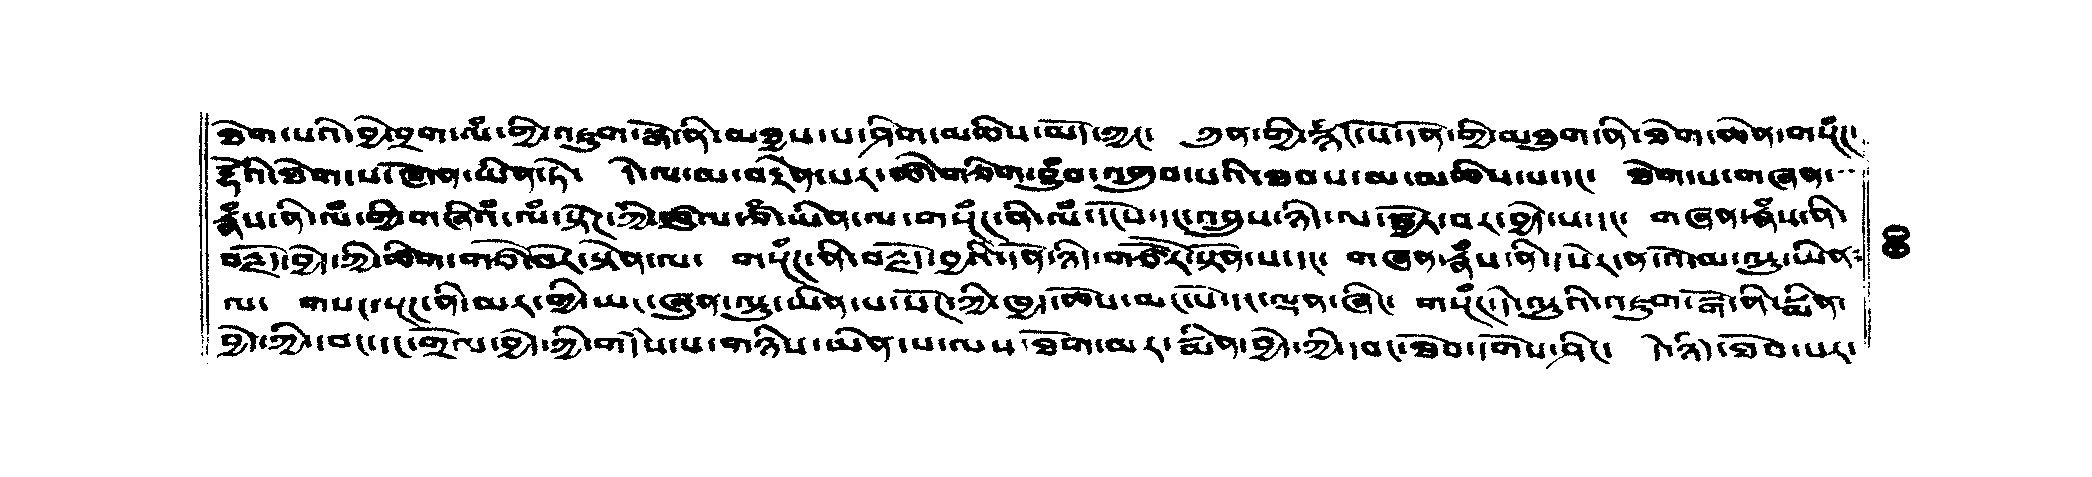ཐེག་པའི་བྱེ་བྲག་ལམ་གྱི་འཇུག་སྒོ་ནི་མཐའ་ཡས་པ་ཤིག་མཆིས་མོད་ཀྱང་། ཀུན་གྱི་སྙིང་པོ་དོན་གྱི་མཐར་ཐུག་ནི་ཐེག་ཆེན་གསང་སྔགས་
རྡོ་རྗེའི་ཐེག་པ་ཁོ་ན་ཡིན་ཏེ། དེ་ལ་བརྟེན་པར་ཚེ་གཅིག་བྱང་ཆུབ་འགྲུབ་པའི་ཐབས་མ་མཆིས་པ་དང་། ཐེག་པ་གཞན་
རྣམས་ནི་ལམ་གྱི་གཞིའམ་ལམ་སྟེགས་ཀྱི་ཚུལ་ཙམ་ཡིན་ལ་གསང་སྔགས་ནི་ལམ་དངོས་དང་འབྲས་བུ་ཉིད་ལ་སྦྱོར་བར་བྱེད་པ་དང་། གཞན་རྣམས་ནི་
བརྗོད་བྱེད་ཀྱི་ཚིག་གཙོ་བོར་སྟོན་ལ།གསང་སྔགས་ནི་བརྗོད་བྱའི་དོན་ཉིད་གཙོ་བོར་སྟོན་པ་དང་། གཞན་རྣམས་ནི་དཔེར་ན་འོ་མ་ལྟ་བུ་ཡིན་
ལ། གསང་སྔགས་ནི་མར་གྱི་ཡང་ཞུན་ལྟ་བུ་ཡིན་པ་སོགས་ཀྱི་ཁྱད་ཆོས་མང་པོ་དང་ལྡན་ཞིང་། གསང་སྔགས་དེ་ལྟ་བུའི་འཇུག་སྒོ་ནི་སྨིན་
བྱེད་དབང་དང་གྲོལ་བྱེད་ཀྱི་གདམས་པ་གཉིས་ཡིན་པ་ལས་ཐོག་མར་སྨིན་བྱེད་ཀྱི་དབང་ཐོབ་དགོས་ཤིང་། དེ་ཉིད་ཐོབ་པར་